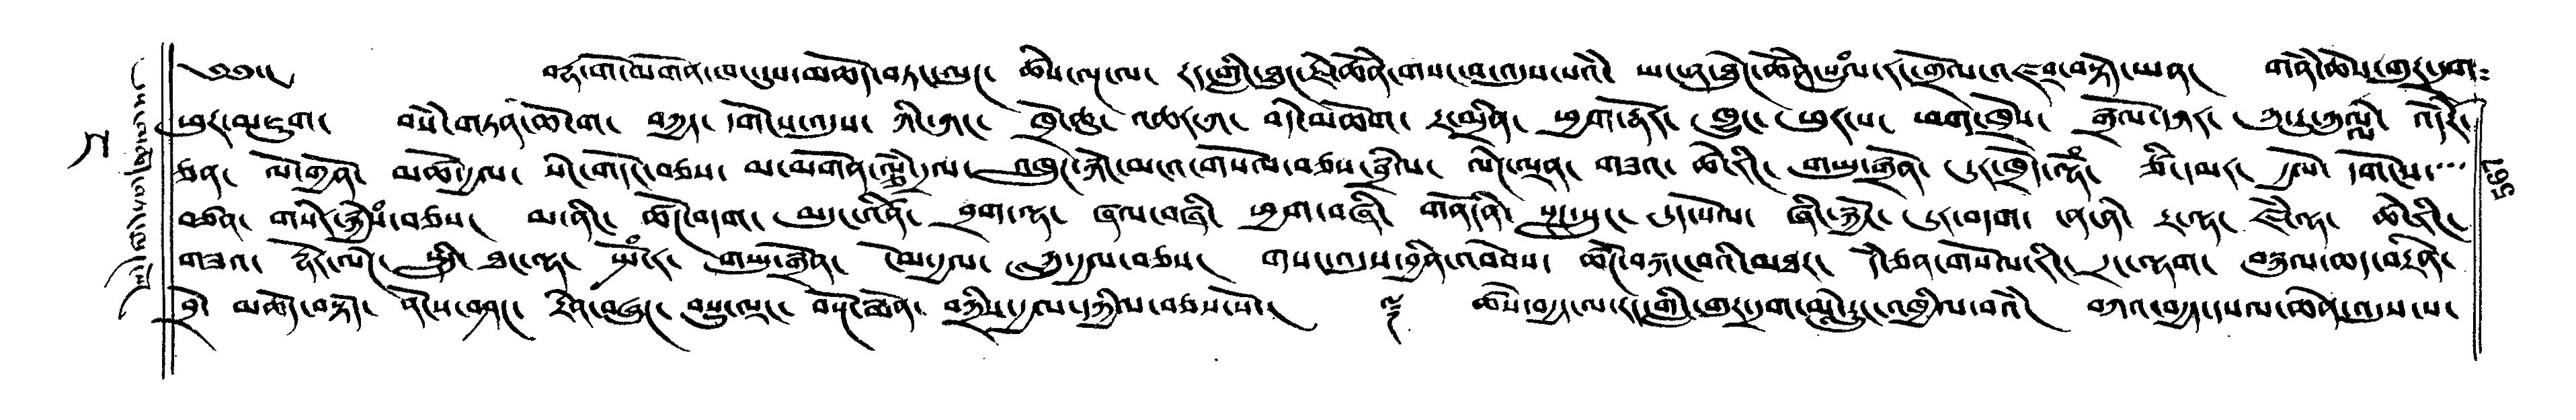བརྡ་གོ་མགོན་ཁང་གི་དུས་མཆོད་གཏོང་ལུགས། ཚེས་ལྔ་ལ། རཏ་གླིང་ཐུགས་རྗེ་ཆེན་པོ་གསང་བ་འདུས་པའམ། ཡང་ན་ཐུགས་རྗེ་ཆེན་པོ་སྡུག་བསྔལ་རང་གྲོལ་ཛཔྲ་བསྟོད་ཡན། གནམ་ཆོས་གུར་དྲག 
ཕུར་མཇུག བསམ་གཏན་ཆོ་ག། བཀའ་བརྒྱད། དགོངས་འདུས། ཀིང་ཀང་། ཁྲོ་ཆུ། འཆར་ཀ བདེ་མཆོག རྟ་མགྲིན། ཕྱག་རྡོར། ཁྱུང་། ཕུར་པ། ཕག་ཁྲོས། སྒྲོལ་དཀར། ཀུ་རུ་ཀུལླེ། འོད་ཟེར་
ཅན། ལོ་གྱོན། མཚོ་རྒྱལ། སེང་གདོང་བཅས། མ་མགོན་ལྕམ་དྲལ། འཁྲུགས་སྐོང་མངའ་གསོལ་བཅས་སྦྲེལ། ལེགས་ལྡན། གཟའ། ཚེ་རིང་། གཡུ་སྒྲོན། དུར་ཁྲོད་ལྷ་མོ། ཙི་དམར། རྒྱལ་པོ། དགོངས་
བཙན། གསེར་སྐྱེམས་བཅས། མ་ནིང་། ཚོགས་བདག མདུང་འཛིན། བྲག་ལྷ། ཞལ་བཞི། ཕྱག་བཞི། གནོད་སྦྱིན། སྔགས་སྲུང་། དུད་སོལ། ཞིང་སྐྱོང་། དུར་བདག། ངན་ནེ། རྟ་ལྷ། ཛམ་ལ། ཚེ་རིང་
གཟའ། རྡོར་ལེགས། སྤུ་གྲི། ཐང་ལྷ། སྤོམ་ར། གཡུ་སྒྲོན། ངོམ་རྒྱལ། ཀླུ་རྒྱལ་བཅས། གསང་འདུས་བྱིན་འབེབས། ཚོགས་བསྐང་བའི་མཐར། དམ་ཅན་གསོལ་རིགས། དྲང་ལྷག། བསྐུལ་ཆད་བརྟན་
བྲོ། མཆོད་བསྟོད། ནོངས་བཤགས། རྟེན་བཞུགས། བསྡུ་ལྡང་། བསྔོ་སྨོན། བཀྲ་ཤིས་རྒྱལ་དཀྱིལ་བཅས་སོ།། ༈ ཚེས་བརྒྱད་ལ་རག་གླིང་གུར་དྲག་མེ་རླུང་འཁྱིལ་བའམ། བཀའ་བརྒྱད་དཔལ་ཆེན་འདུས་པ་